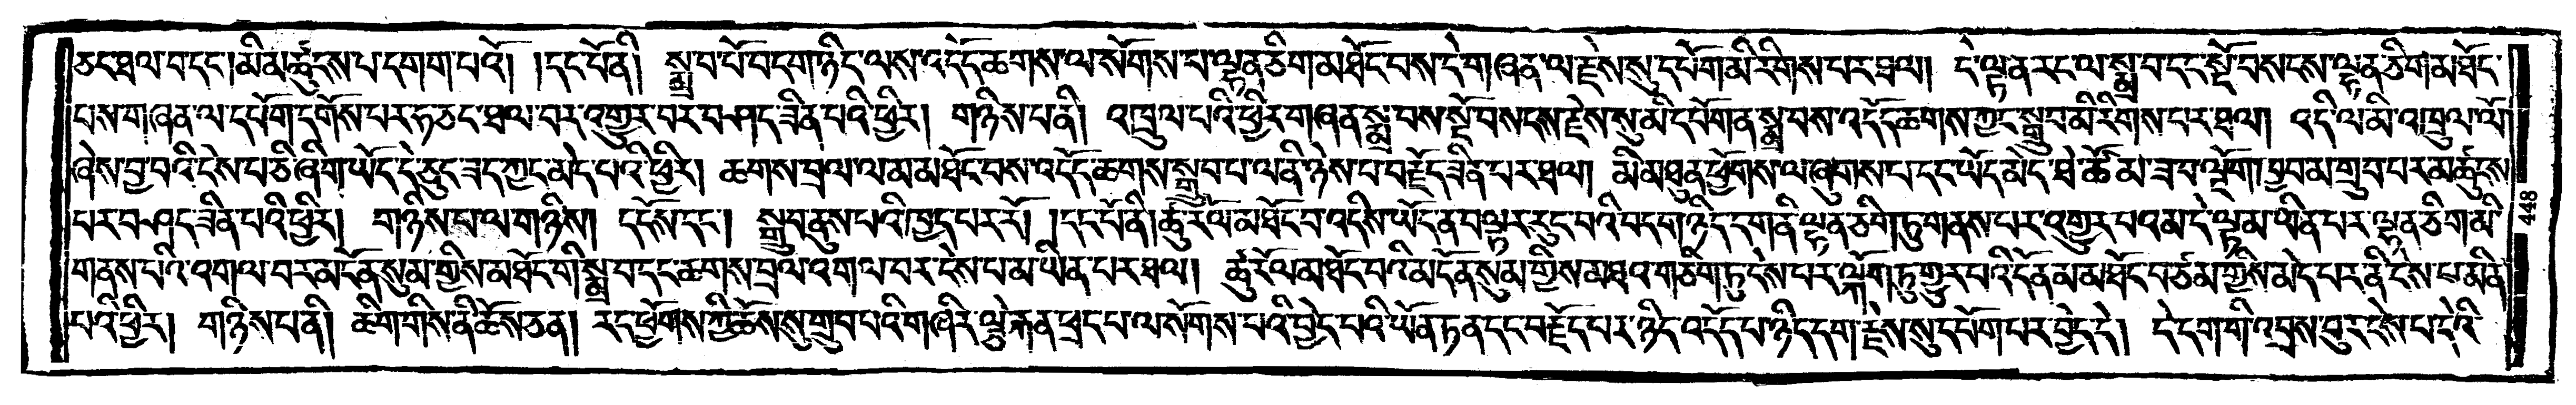ཅང་ཐལ་བ་དང་། མི་མཚུངས་པ་དགག་པའོ། །དང་པོ་ནི། སྨྲ་བ་པོ་བདག་ཉིད་ལས་འདོད་ཆགས་ལ་སོགས་པ་ལྷན་ཅིག་མཐོང་བས་དེ་གཞན་ལ་རྗེས་སུ་དཔོག་མི་རིགས་པར་ཐལ། དེ་ལྟ་ན་རང་ལ་སྨྲ་བ་དང་སྔོ་བསངས་ལྷན་ཅིག་མཐོང་
པས་གཞན་ལ་དཔོག་དགོས་པར་ཧ་ཅང་ཐལ་བར་འགྱུར་བར་བཤད་ཟིན་པའི་ཕྱིར། གཉིས་པ་ནི། འཁྲུལ་པའི་ཕྱིར་གཞན་སྨྲ་བས་སྔོ་བསངས་རྗེས་སུ་མི་དཔོག་ན་སྨྲ་བས་འདོད་ཆགས་ཀྱང་སྒྲུབ་མི་རིགས་པར་ཐལ། འདི་ལ་མི་འཁྲུལ་ལོ་
ཞེས་བྱ་བའི་ངེས་པ་ཅི་ཞིག་ཡོད་དེ་ཅུང་ཟད་ཀྱང་མེད་པའི་ཕྱིར། ཆགས་བྲལ་ལ་མ་མཐོང་བས་འདོད་ཆགས་སྒྲུབ་པ་ལ་ནི་ཉེས་པ་བརྗོད་ཟིན་པར་ཐལ། མི་མཐུན་ཕྱོགས་ལ་ཞུགས་པ་དང་ཡོད་མེད་ཐེ་ཚོམ་ཟ་བ་ལྡོག་ཁྱབ་མ་གྲུབ་པར་མཚུངས་
པར་བཤད་ཟིན་པའི་ཕྱིར། གཉིས་པ་ལ་གཉིས། དངོས་དང་། སྒྲུབ་ནུས་པའི་ཁྱད་པར་རོ། །དང་པོ་ནི། ཚུ་རོལ་མཐོང་བ་འདིས་ཡོད་ན་བལྟར་རུང་བའི་བདག་ཉིད་དག་ནི་ལྷན་ཅིག་ཏུ་གནས་པར་འགྱུར་པའམ་དེ་ལྟ་མ་ཡིན་པར་ལྷན་ཅིག་མི་
གནས་པའི་འགལ་བར་མངོན་སུམ་གྱིས་མཐོང་གི་སྨྲ་བ་དང་ཆགས་བྲལ་འགལ་བར་ངེས་པ་མ་ཡིན་པར་ཐལ། ཚུ་རོལ་མཐོང་བའི་མངོན་སུམ་གྱིས་མཐའ་གཅིག་ཏུ་ངེས་པར་ལྡོག་ཏུ་གྱུར་པའི་དོན་མ་མཐོང་བ་ཙམ་གྱིས་མེད་པར་ནི་ངེས་པ་མིན་
པའི་ཕྱིར། གཉིས་པ་ནི། ཚིག་གིས་ནི་ཆོས་ཅན། རང་ཕྱོགས་ཀྱི་ཆོས་སུ་གྲུབ་པའི་གཞིར་ལྕེ་རྐན་ཕྲད་པ་ལ་སོགས་པའི་བྱེད་པའི་ཡོན་ཏན་དང་བརྗོད་པར་ཉིད་འདོད་པ་ཉིད་དག་རྗེས་སུ་དཔོག་པར་བྱེད་དེ། དེ་དག་གི་འབྲས་བུར་ངེས་པ་དེའི་